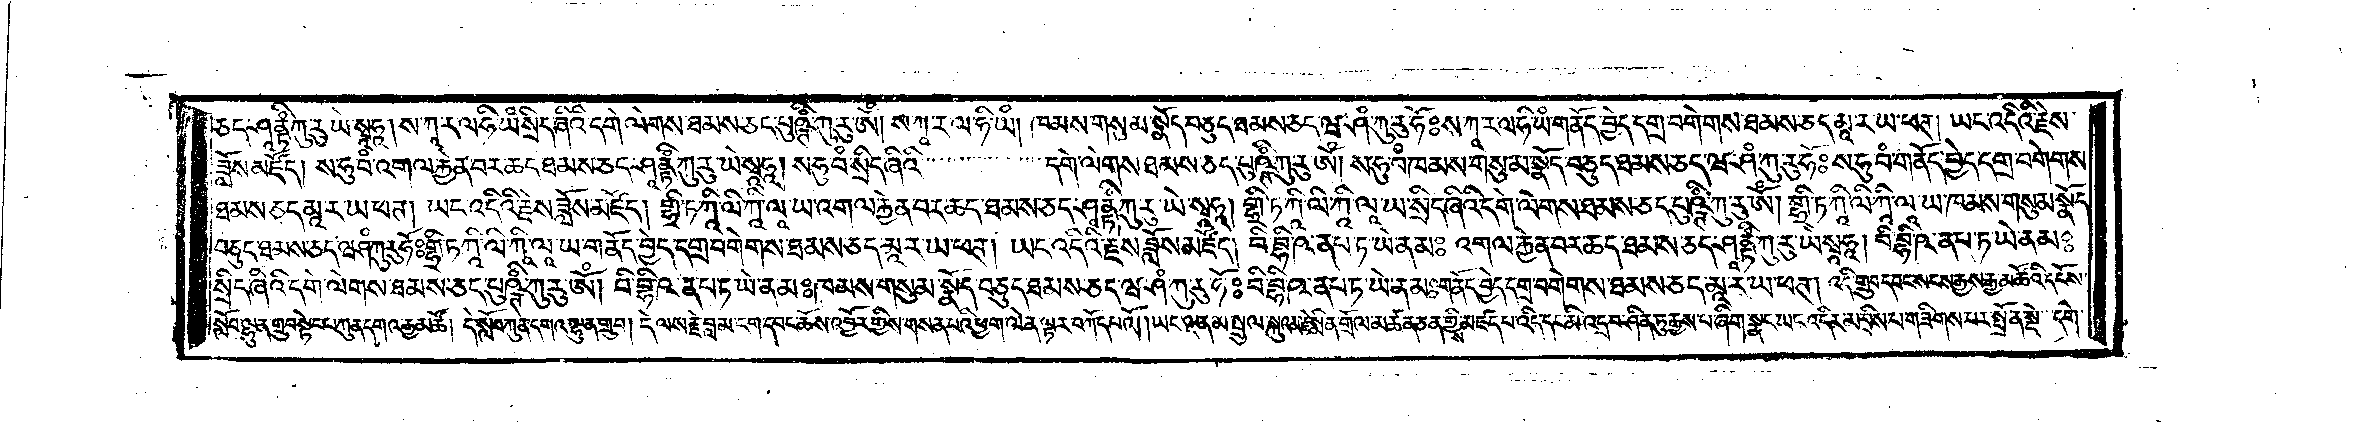ཅད་ཤཱནྟཾཨི་གུ་རུ་ཡེ་སྭཱཧཱ། སཀཱ་ར་ལ་ཧི་ཡཾ་སྲིད་ཞིའི་དགེ་ལེགས་ཐམས་ཅད་པུཥྚཾཨི་ཀུ་རུ་ཨོཾ། ས་ཀཱ་ར་ལ་ཧི་ཡཾ། ཁམས་གསུམ་སྣོད་བཅུད་ཐམས་ཅད་ཝ་ཤཾ་ཀུ་རུ་ཧོཿ ས་ཀཱ་ར་ལ་ཧི་ཡཾ་གནོད་བྱེད་དགྲ་བགེགས་ཐམས་ཅད་མཱ་ར་ཡ་ཕཊ། ཡང་འདིའི་རྗེས་
ཟློས་མཛོད། ས་ཧུ་བཾ་འགལ་རྐྱེན་བར་ཆད་ཐམས་ཅད་ཤཱནྟིཾ་ཀུ་རུ་ཡེ་སྭཱཧཱ། ས་ཧུ་བཾ་སྲིད་ཞིའི་དགེ་ལེགས་ཐམས་ཅད་པུསཊི་ཀུ་རུ་ཨོཾ། ས་ཧུ་བཾ་ཁམས་གསུམ་སྣོད་བཅུད་ཐམས་ཅད་ཝ་ཤཾ་ཀུ་རུ་ཧོཿ ས་ཧུ་བཾ་གནོད་བྱེད་དགྲ་བགེགས་
ཐམས་ཅད་མཱ་ར་ཡ་ཕཊ། ཡང་འདིའི་རྗེས་ཟློས་མཛོད། ཁྲི་ཏ་ཀཱི་ལི་ཀཱི་ལཱ་ཡ་འགལ་རྐྱེན་བར་ཆད་ཐམས་ཅད་ཤཱནྟིཾ་ཀུ་རུ་ཡེ་སྭཱཧཱ། གྷྲི་ཏ་ཀཱི་ལི་ཀཱི་ལཱ་ཡ་སྲིད་ཞིའི་དགེ་ལེགས་ཐམས་ཅད་བུཥྚི་ཀུ་རུ་ཨོཾ། གྷྲི་ཏ་ཀཱི་ལི་ཀཱི་ལཱ་ཡ་ཁམས་གསུམ་སྣོད་
བཅུད་ཐམས་ཅད་ཝ་ཤཾ་ཀུ་རུ་ཧོཿ གྷྲི་ཏ་ཀཱི་ལི་ཀཱི་ལཱ་ཡ་གནོད་བྱེད་དགྲ་བགེགས་ཐམས་ཅད་མཱ་ར་ཡ་ཕཊ། ཡང་འདིའི་རྗེས་ཟློས་མཛོད། བི་བྷི་ཥ་ན་པ་ཏ་ཡེ་ནམཿ འགལ་རྐྱེན་བར་ཆད་ཐམས་ཅད་ཤཱནྟིཾ་ཀུ་རུ་ཡེ་སྭཱཧཱ། བི་བྷི་ཥ་ན་པ་ཏ་ཡེ་ན་མཿ
སྲིད་ཞིའི་དགེ་ལེགས་ཐམས་ཅད་བུཥྚིཾ་ཀུ་རུ་ཨོཾ། བི་བྷི་ཥ་ན་པ་ཏ་ཡེ་ནམཿ ཁམས་གསུམ་སྣོད་བཅུད་ཐམས་ཅད་ཝ་ཤཾ་ཀུ་རུ་ཧོཿ བི་བྷི་ཥ་ན་པ་ཏ་ཡེ་ན་མཿ གནོད་བྱེད་དགྲ་བགེགས་ཐམས་ཅད་མཱ་ར་ཡ་ཕཊ། འདི་གྲུབ་དབང་སངས་རྒྱས་རྒྱ་མཚོའི་དངོས་
སློབ་ལྷུན་གྲུབ་སྟེང་པ་ཀུན་དགའ་རྒྱ་མཚོ། དེ་སློབ་ཀུན་དགའ་ལྷུན་གྲུབ། དེ་ལས་རྗེ་བླ་མ་ངག་དབང་ཆོས་འབྱོར་གྱིས་གསན་པའི་ཕྱག་ལེན་ལྟར་བཀོད་པའོ། །ཡང་ལྡན་མ་སྤྲུལ་སྐུའམ་རྗེ་སྨིན་གྲོལ་མཚན་ཅན་གྱིས་མཛད་པ་འདི་དང་མི་འདྲ་བ་ཤིན་ཏུ་རྒྱས་པ་ཞིག་སྣང་མང་འདིར་མ་བྲིས་པ་གཟིགས་པར་སྒྲོན་སྡེ་དགེ་